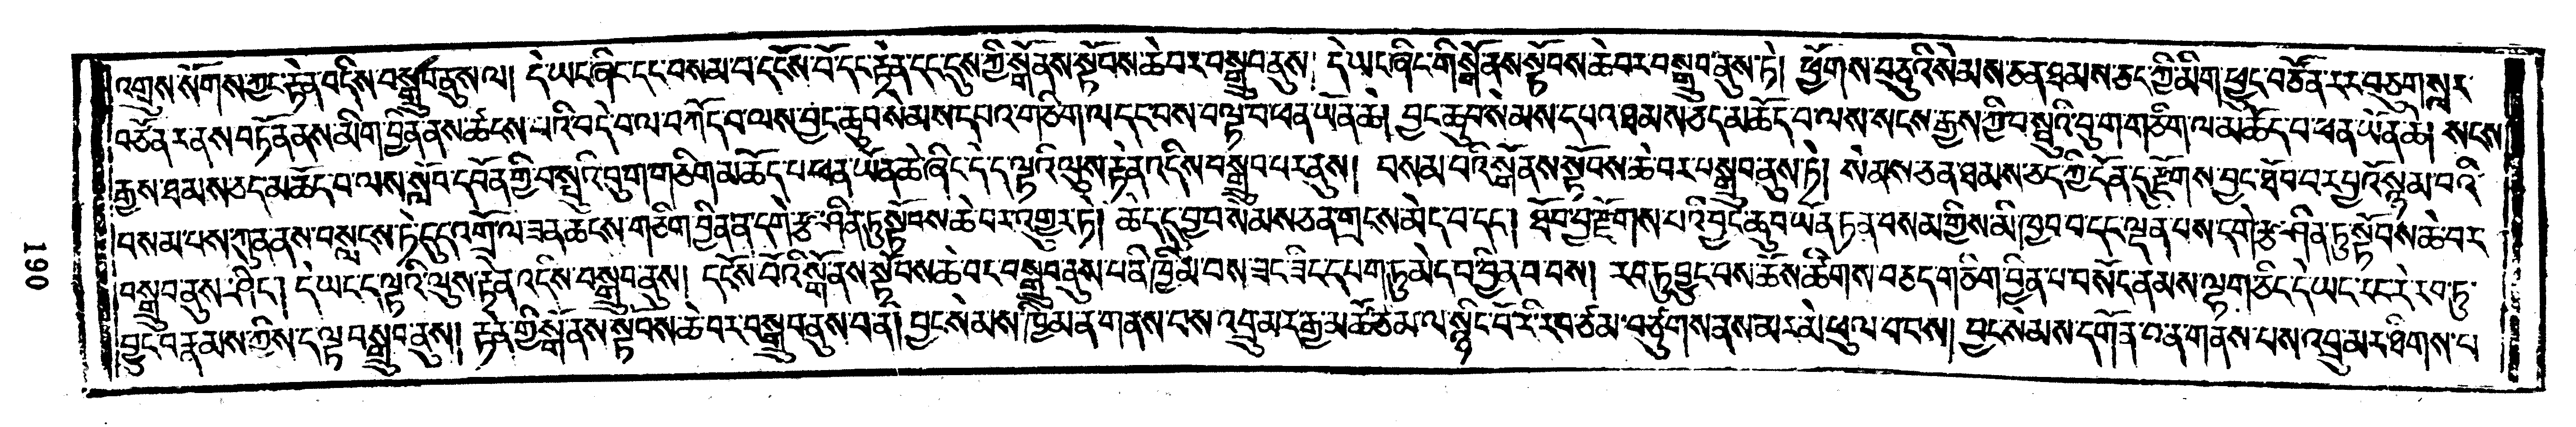འགྲུས་སོགས་ཀྱང་རྟེན་འདིས་བསྒྲུབ་ནུས་ལ། དེ་ཡང་ཞིང་དང་བསམ་བ་དངོས་བོ་དང་རྟེན་དང་དུས་ཀྱི་སྒོ་ནས་སྟོབས་ཆེ་བར་བསྒྲུབ་ནུས། དེ་ཡང་ཞིང་གི་སྒོ་ནས་སྟོབས་ཆེ་བར་བསྒྲུབ་ནུས་ཏེ། ཕྱོགས་བཅུའི་སེམས་ཅན་ཐམས་ཅད་ཀྱི་མིག་ཕྱུང་བཙོན་རར་བཅུག་སླར་
བཙོན་ར་ནས་བཏོན་ནས་མིག་བྱིན་ནས་ཚངས་བའི་བདེ་བ་ལ་བཀོད་བ་ལས་བྱང་ཆུབ་སེམས་དཔའ་གཅིག་ལ་དང་བས་བལྟ་བ་ཕན་ཡོན་ཆེ། བྱང་ཆུབ་སེམས་དཔའ་ཐམས་ཅད་མཆོད་པ་ལས་སངས་རྒྱས་ཀྱི་བ་སྦུའི་བུ་ག་གཅིག་ལ་མཆོད་པ་ཕན་ཡོན་ཆེ། སངས་
རྒྱས་ཐམས་ཅད་མཆོད་བ་ལས་སློབ་དཔོན་གྱི་བ་སྤུའི་བུ་ག་གཅིག་མཆོད་པ་ཕན་ཡོན་ཆེ་ཞིང་དེ་ད་ལྟའི་ལུས་རྟེན་འདིས་བསྒྲུབ་པར་ནུས། བསམ་བའི་སྒོ་ནས་སྟོབས་ཆེ་བར་བསྒྲུབ་ནུས་ཏེ། སེམས་ཅན་ཐམས་ཅད་ཀྱི་དོན་དུ་རྫོགས་བྱང་ཐོབ་པར་བྱའོ་སྙམ་བའི་
བསམ་བས་ཀུན་ནས་བསླངས་ཏེ་དུད་འགྲོ་ལ་ཟན་ཆངས་གཅིག་བྱིན་ན་དགེ་རྩ་ཤིན་ཏུ་སྟོབས་ཆེ་བར་འགྱུར་ཏེ། ཆེད་དུ་བྱ་བ་སེམས་ཅན་གྲངས་མེད་བ་དང་། ཐོབ་བྱ་རྫོགས་པའི་བྱང་ཆུབ་ཡོན་ཏན་བསམ་གྱིས་མི་ཁྱབ་བ་དང་ལྡན་པས་དགེ་རྩ་ཤིན་ཏུ་སྟོབས་ཆེ་བར་
བསྒྲུབ་ནུས་ཤིང་། དེ་ཡང་ད་ལྟའི་ལུས་རྟེན་འདིས་བསྒྲུབ་ནུས། དངོས་བོའི་སྒོ་ནས་སྟོབས་ཆེ་བར་བསྒྲུབ་ནུས་པ་ནི་ཁྱིམ་བས་ཟང་ཟིང་དཔག་ཏུ་མེད་བ་བྱིན་བ་བས། རབ་ཏུ་བྱུང་བས་ཆོས་ཚིགས་བཅད་གཅིག་བྱིན་པ་བསོད་ནམས་ལྷག་ཅིང་དེ་ཡང་རང་རེ་རབ་ཏུ་
བྱུང་བ་རྣམས་ཀྱིས་ད་ལྟ་བསྒྲུབ་ནུས། རྟེན་གྱི་སྒོ་ནས་སྟོབས་ཆེ་བར་བསྒྲུབ་ནུས་བ་ནི། བྱང་སེམས་ཁྱིམ་ན་གནས་བས་འབྲུ་མར་རྒྱ་མཚོ་ཙམ་ལ་སྙིང་པོ་རི་རབ་ཙམ་བཙུགས་ནས་མར་མེ་ཕུལ་བ་བས། བྱང་སེམས་དགོན་བ་ན་གནས་པས་འབྲུ་མར་ཐིགས་པ་